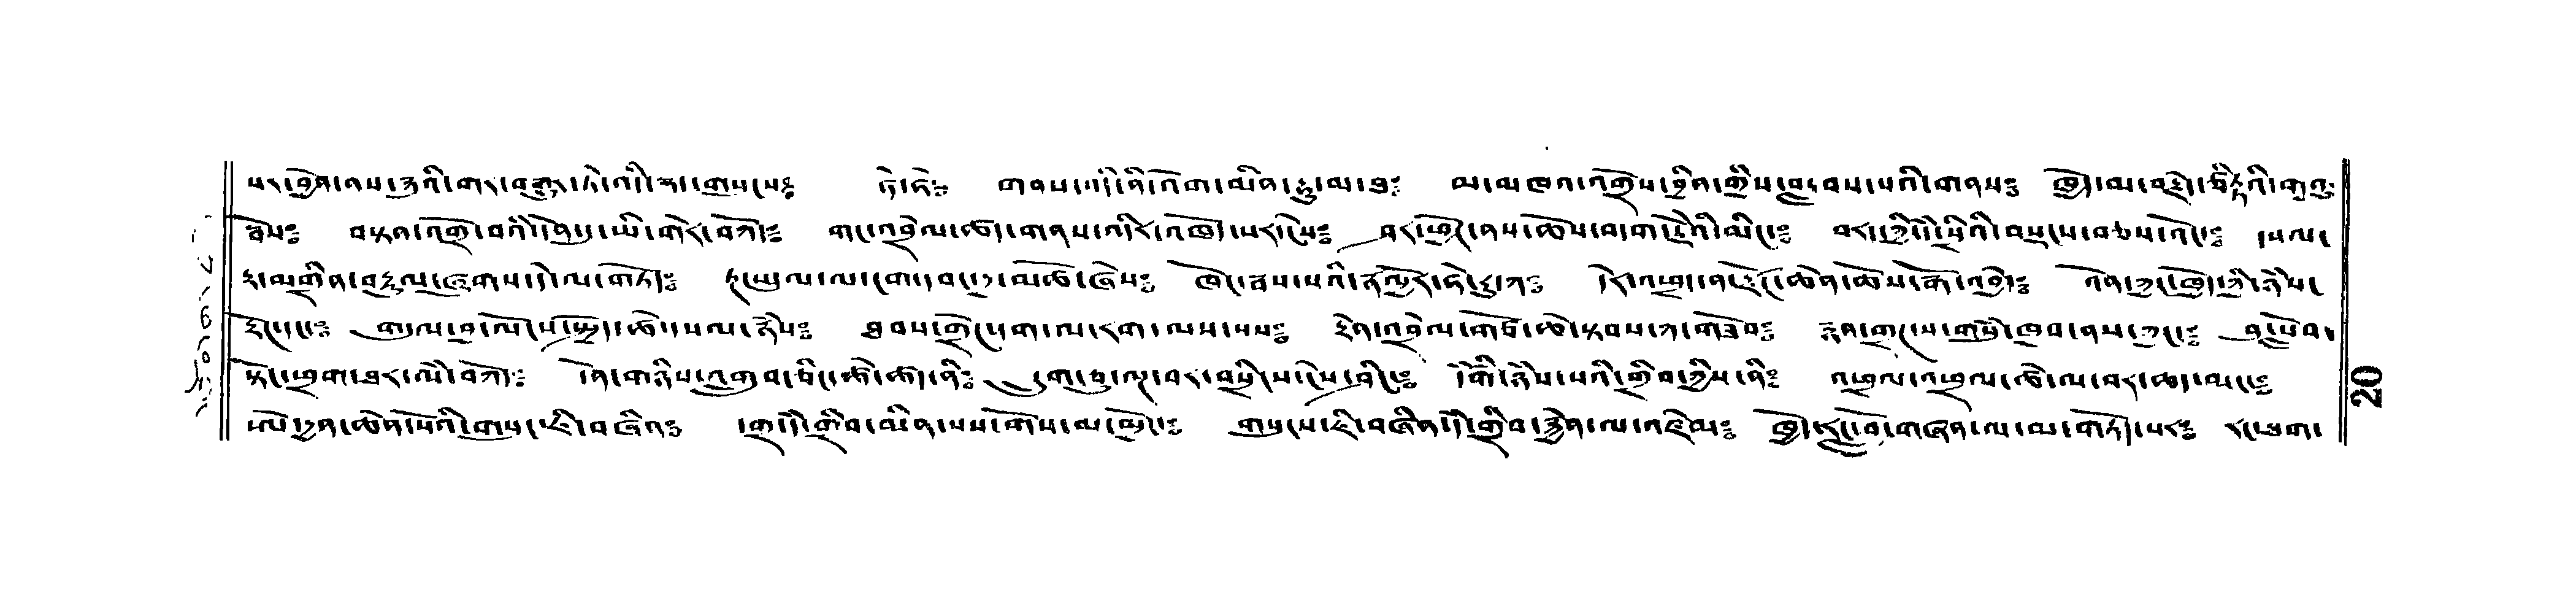སར་བྱོན་ནས་སྐུའི་གར་བསྒྱུར་ཏེ་འདི་སྐད་གསུངས༔ ཧེ་ཧེ༔ གནས་འདི་ནི་འོག་མིན་དྷུ་མ་ཐལ༔ མ་མཁའ་འགྲོས་བྱིན་གྱིས་བརླབས་པའི་གནས༔ ཁྱོད་མ་བརྗེད་ཙིཏྟའི་གའུར་
སྦོས༔ བསྟན་འགྲོ་བའི་དོན་དུ་ཡི་གེར་འཁོད༔ གང་འབྲེལ་ཚད་གནས་འདིར་འཁོད་པར་ངེས༔ ཤར་ཕྱོགས་ནས་ཆོས་བདག་རྡོ་རྗེའི་མིང༔ བར་ཆད་ཀྱི་དམ་སྲྀ་སྡང་བཅས་འོང༔ དཔལ་
རྟ་མགྲིན་བརྟུལ་ཞུགས་དེ་ལ་གཏོད༔ རྔ་ཡུལ་ལ་ངག་དབང་རྒྱ་མཚོ་ཞེས༔ ཁོང་སྦས་པའི་རྣལ་འབྱོར་ཧེ་རུ་ཀ༔ དེར་འཕྲད་ན་རྫོགས་ཆེན་ཆོས་སྒོ་འབྱེད༔ འོན་ཀྱང་ཁྱོད་ཀྱི་ཉམས་
རྟོགས་དང༔ གདུལ་བྱ་ལོངས་སྤྱོད་ཚེ་དཔལ་རྣམས༔ ཐབས་གྲོགས་དག་ལ་རག་ལས་པས༔ རྟེན་འབྲེལ་གཙོ་ཆེ་སྟབས་ཀ་གཟོབ༔ སྙན་གྲགས་ས་གསུམ་ཁྱབ་ནས་ཀྱང༔ བུ་སློབ་
སྟོང་ཕྲག་ཐར་ལམ་འགོད༔ དོན་གཉིས་འགྲུབ་ཅིང་ཚེ་ཚད་ནི༔ དྲུག་ཅུ་ལྔ་བར་བསྲིངས་ངེས་ཤིང༔ དམ་ཚིག་ཉམས་པའི་གྲིབ་ཀྱིས་ནི༔ འཕྲལ་འཕྲལ་ཚེ་ལ་བར་ཆད་མང༔ 
ཨོ་རྒྱན་ཆེན་པོའི་གསུང་ཇི་བཞིན༔ དགྲ་དམ་གྲིབ་མིན་པས་གོས་མ་མྱོང༔ གསུངས་ཇི་བཞིན་དམ་གྲིབ་རྐྱེན་ལ་འཛེམས༔ ཁྱོད་རང་བློ་གཞན་ལ་མ་གཏོད་པར༔ རང་ཐག་